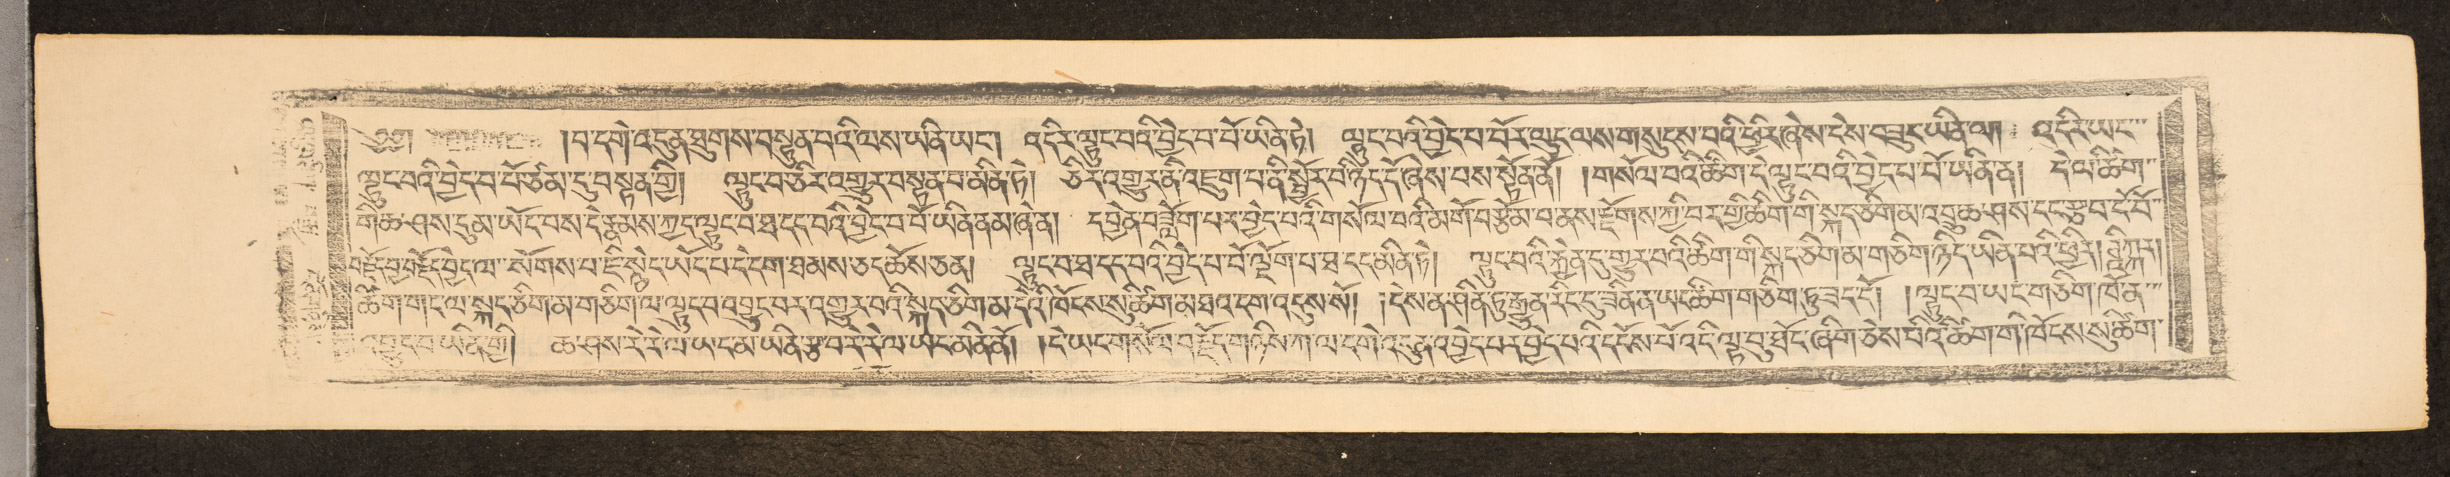༄༅། །བ་དགེ་འདུན་ཐུགས་བསྟུན་པའི་ལས་ཡིན་ཡང་། འདིར་ལྟུང་བའི་བྱེད་པ་པོ་ཡིན་ཏེ། ལྟུང་བའི་བྱེད་པ་པོར་ལུང་ལས་གསུངས་པའི་ཕྱིར་ཞེས་ངེས་བཟུང་ཡིན་ལ། འདིར་ཡང་
ལྟུང་བའི་བྱེད་པ་པོ་ཙམ་དུ་བསྟན་གྱི། ལྟུང་བ་ཅིར་འགྱུར་བསྟན་པ་མིན་ཏེ། ཅིར་འགྱུར་ནི་འཇུག་པ་ནི་སྦྱོར་བ་ཉིད་དོ་ཞེས་པས་སྟོན་ནོ། །གསོལ་བའི་ཚིག་དེ་ལྟུང་བའི་བྱེད་པ་པོ་ཡིན་ན། དེ་ལ་ཚིག་
གི་ཆ་ཤས་དུ་མ་ཡོད་པས་དེ་རྣམས་ཀྱང་ལྟུང་བ་ཐ་དད་པའི་བྱེད་པ་པོ་ཡིན་ནམ་ཞེ་ན། དབྱེན་བཟློག་པར་བྱེད་པའི་གསོལ་བའི་མགོ་བརྩོམ་བ་ནས་རྫོགས་ཀྱི་བར་གྱི་ཚིག་གི་སྐད་ཅིག་མ་འབྲུ་ཆ་ཤས་དང་རྩ་བ་ངོ་བོ་
བརྗོད་བྱ་བརྗོད་བྱེད་ལ་སོགས་པ་ཇི་སྙེད་ཡོད་པ་དེ་དག་ཐམས་ཅད་ཆོས་ཅན། ལྟུང་བ་ཐ་དད་བའི་བྱེད་པ་པོ་ལྡོག་པ་ཐ་དད་མིན་ཏེ། ལྟུང་བའི་རྐྱེན་དུ་གྱུར་བའི་ཚིག་གི་སྐད་ཅིག་མ་གཅིག་ཉིད་ཡིན་པའི་ཕྱིར། ཊཱིཀྐར།
ཚིག་གང་ལ་སྐད་ཅིག་མ་གཅིག་ལ་ལྟུང་བ་འབྱུང་བར་འགྱུར་བའི་སྐད་ཅིག་མ་དེའི་ཁོངས་སུ་ཚིག་མཐའ་དག་འདུས་སོ། །དེས་ན་ཤིན་ཏུ་རྒྱུན་རིང་དུ་ཟིན་ན་ཡང་ཚིག་གཅིག་ཏུ་ཟད་དོ། །ལྟུང་བ་ཡང་གཅིག་ཁོ་ན་
འབྱུང་བ་ཡིན་གྱི། ཆ་ཤས་རེ་རེ་ལ་ཡང་མ་ཡིན་རྩ་བ་རེ་རེ་ལ་ཡང་མིན་ནོ། །དེ་ཡང་གསོལ་བརྗོད་གཉིས་ཀ་ལ་དགེ་འདུན་འབྱེད་པར་བྱེད་པའི་དངོས་པོ་འདི་ལྟ་བུ་ཐོང་ཞིག་ཅེས་པའི་ཚིག་གི་ཁོངས་སུ་ཚིག་